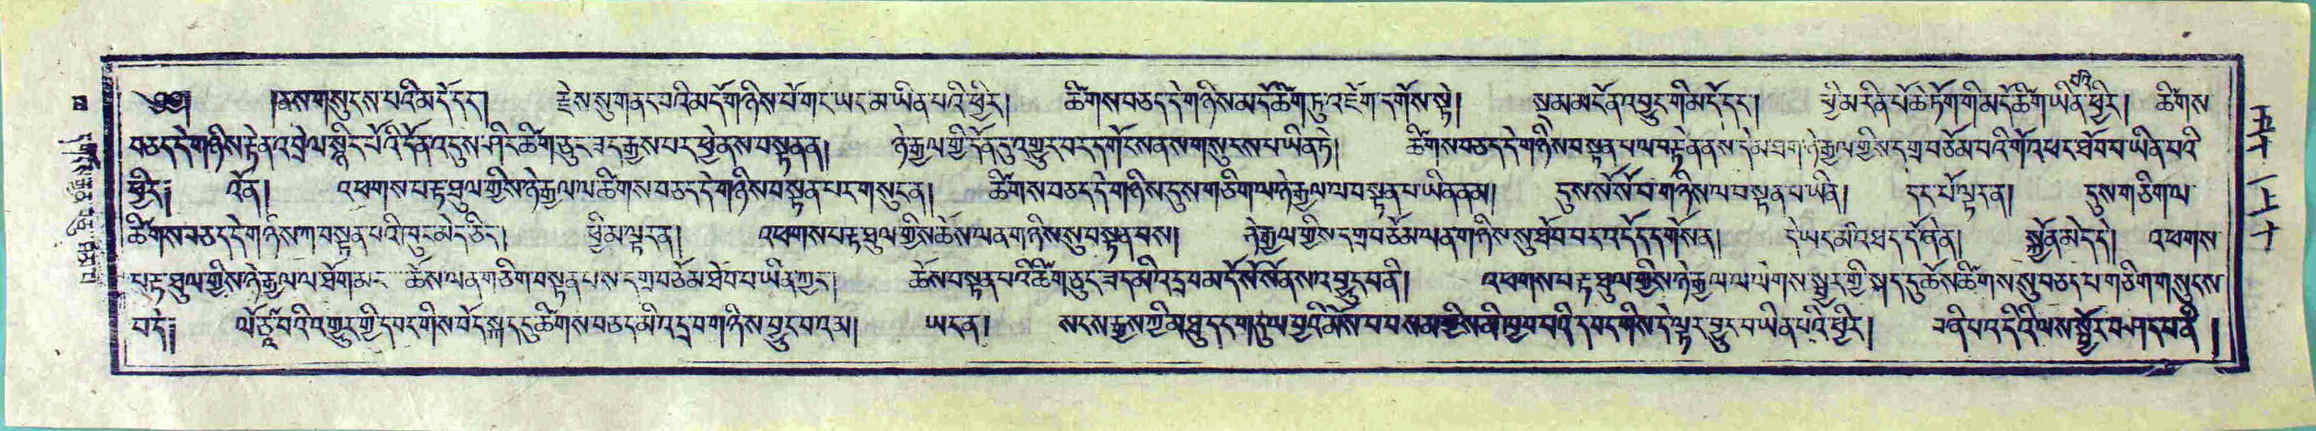ནས་གསུངས་པའི་མདོ་དང་། རྗེས་སུ་
གནང་བའི་མདོ་གཉིས་པོ་གང་ཡང་མ་ཡིན་པའི་ཕྱིར། ཚིགས་བཅད་དེ་གཉིས་མདོ་ཚིག་ཏུ་འཇོག་དགོས་སྟེ། སྔ་མ་མངོན་འབྱུང་གི་མདོ་དང་། ཕྱི་མ་རིན་པོ་ཆེ་ཏོག་གི་མདོ་ཚིག་ཡིན་པའི་
ཕྱིར༑ ཚིགས་བཅད་དེ་གཉིས་རྟེན་འབྲེལ་སྙིང་པོའི་དོན་འདུས་ཤིང་ཚིག་ཅུང་ཟད་རྒྱས་པར་ཕྱེ་ནས་བསྟན་ན། ཉེ་རྒྱལ་གྱི་དོན་དུ་འགྱུར་བར་དགོངས་ནས་གསུངས་པ་ཡིན་ཏེ། ཚིགས་
བཅད་དེ་གཉིས་བསྟན་པ་ལ་བརྟེན་ནས་དེ་མ་ཐག་ཉེ་རྒྱལ་གྱིས་དགྲ་བཅོམ་པའི་གོ་འཕང་ཐོབ་པ་ཡིན་པའི་ཕྱིར། འོ་ན། འཕགས་པ་རྟ་ཐུལ་གྱིས་ཉེ་རྒྱལ་ལ་ཚིགས་བཅད་དེ་གཉིས་
བསྟན་པར་གསུང་ན། ཚིགས་བཅད་དེ་གཉིས་དུས་གཅིག་ལ་ཉེ་རྒྱལ་ལ་བསྟན་པ་ཡིན་ནམ། དུས་སོ་སོ་པ་གཉིས་ལ་བསྟན་པ་ཡིན། དང་པོ་ལྟར་ན། དུས་གཅིག་ལ་ཚིགས་
བཅད་དེ་གཉིས་ཀ་བསྟན་པའི་ཁུང་མེད་ཅིང་། ཕྱི་མ་ལྟར་ན། འཕགས་པ་རྟ་ཐུལ་གྱིས་ཆོས་ལན་གཉིས་སུ་བསྟན་པས། ཉེ་རྒྱལ་གྱིས་དགྲ་བཅོམ་ལན་གཉིས་སུ་ཐོབ་པར་འདོད་དགོས་ན། དེ་ཡང་མི་འཐད་དོ་ཞེ་ན། སྐྱོན་མེད་དེ། འཕགས་པ་རྟ་ཐུལ་གྱིས་ཉེ་རྒྱལ་ལ་ཐོག་མར་ཆོས་ལན་གཅིག་བསྟན་པས་དགྲ་བཅོམ་ཐོབ་པ་ཡིན་ཀྱང་། ཆོས་བསྟན་པའི་ཚིག་
ཅུང་ཟད་མི་འདྲ་བ་མདོ་སོ་སོ་ནས་འབྱུང་བ་ནི། འཕགས་པ་རྟ་ཐུལ་གྱིས་ཉེ་རྒྱལ་ལ་ལེགས་སྦྱར་གྱི་སྐད་དུ་ཆོས་ཚིགས་སུ་བཅད་པ་གཅིག་གསུངས་པ་དེ། ལོ་ཙཱ་བའི་འགྱུར་གྱི་
དབང་གིས་བོད་སྐད་དུ་ཚིགས་བཅད་མི་འདྲ་བ་གཉིས་བྱུང་བའམ། ཡང་ན། སངས་རྒྱས་ཀྱི་མཐུ་དང་གདུལ་བྱའི་མོས་པ་བསམ་གྱིས་མི་ཁྱབ་པའི་དབང་གིས་དེ་ལྟར་བྱུང་བ་
ཡིན་པའི་ཕྱིར། བཞི་པ་འདིའི་ལས་སྦྱོར་བཤད་པ་ནི།